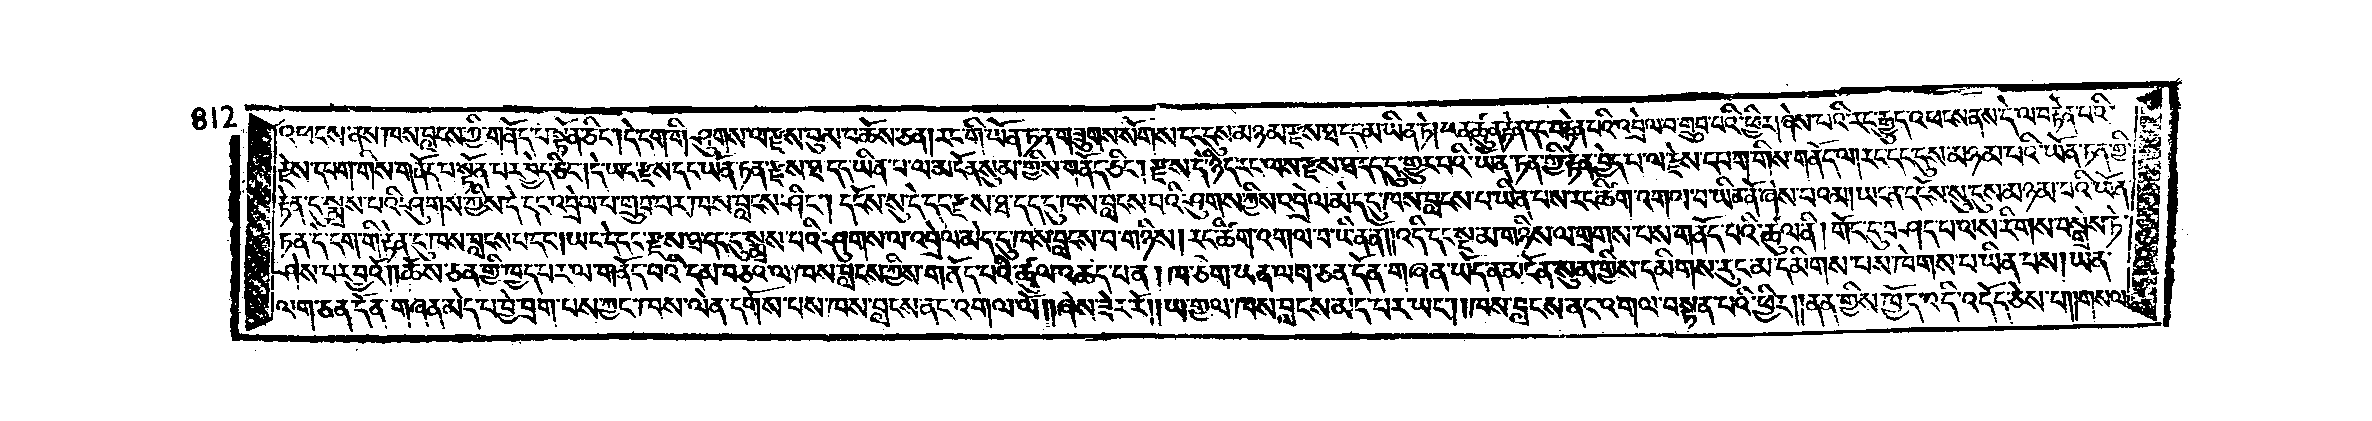འཕངས་ནས་ཁས་བླངས་ཀྱི་གནོད་པ་སྟོན་ཅིང་། དེ་དག་གི་ཤུགས་ལ་རྫས་བུམ་པ་ཆོས་ཅན། རང་གི་ཡོན་ཏན་གཟུགས་སོགས་དང་དུས་མཉམ་རྫས་ཐ་དད་མ་ཡིན་ཏེ། ཕན་ཚུན་རྟེན་དང་བརྟེན་པའི་འབྲེལ་བ་གྲུབ་པའི་ཕྱིར། ཞེས་པའི་རང་རྒྱུད་འཕངས་ནས་དེ་ལ་བརྟེན་པའི་
རྗེས་དཔག་གིས་གནོད་པ་སྟོན་པར་བྱེད་ཅིང་། དེ་ཡང་རྫས་དང་ཡོན་ཏན་རྫས་ཐ་དད་ཡིན་པ་ལ་མངོན་སུམ་གྱིས་གནོད་ཅིང་། རྫས་དེ་ཉིད་རང་ལས་རྫས་ཐ་དད་དུ་གྱུར་པའི་ཡོན་ཏན་གྱི་རྟེན་བྱེད་པ་ལ་རྗེས་དཔག་གིས་གནོད་ལ། རང་དང་དུས་མཉམ་པའི་ཡོན་ཏན་གྱི་
རྟེན་དུ་སྨྲས་པའི་ཤུགས་ཀྱིས་དེ་དང་འབྲེལ་བ་གྲུབ་པར་ཁས་བླངས་ཤིང་། དངོས་སུ་དེ་དང་རྫས་ཐ་དད་དུ་ཁས་བླངས་པའི་ཤུགས་ཀྱིས་འབྲེལ་མེད་དུ་ཁས་བླངས་པ་ཡིན་པས་རང་ཚིག་འགལ་བ་ཡིན་ནོ་ཞེས་པའམ། ཡང་ན་དངོས་སུ་དུས་མཉམ་པའི་ཡོན་
ཏན་དེ་དག་གི་རྟེན་དུ་ཁས་བླངས་པ་དང་། ཡང་དེ་དང་རྫས་ཐ་དད་དུ་སྨྲས་པའི་ཤུགས་ལ་འབྲེལ་མེད་དུ་ཁས་བླངས་པ་གཉིས། རང་ཚིག་འགལ་བ་ཡིན་ནོ། །འདི་དང་སྔ་མ་གཉིས་ལ་གྲགས་པས་གནོད་པའི་ཚུལ་ནི། གོང་དུ་བཤད་པ་ལས་རིགས་བསྒྲེས་ཏེ་
ཤེས་པར་བྱའོ། །ཆོས་ཅན་གྱི་ཁྱད་པར་ལ་གནོད་པའི་དམ་བཅའ་ལ་ཁས་བླངས་ཀྱིས་གནོད་པའི་ཚུལ་འཆད་པ་ན། ཁ་ཅིག་ཡན་ལག་ཅན་དོན་གཞན་ཡོད་ན་མངོན་སུམ་གྱིས་དམིགས་རུང་མ་དམིགས་པ་ཁེགས་པ་ཡིན་པས། ཡན་
ལག་ཅན་དོན་གཞན་མེད་པ་བྱེ་བྲག་པས་ཀྱང་ཁས་ལེན་དགོས་པས་ཁས་བླངས་ནང་འགལ་ལོ། །ཞེས་ཟེར་རོ། །ཡ་གྱལ་ཁས་བླངས་མེད་པར་ཡང་། །ཁས་བླངས་ནང་འགལ་བསྟན་པའི་ཕྱིར། །ནན་གྱིས་ཁྱོད་འདི་འདོད་ཅེས་པ། །གསལ་